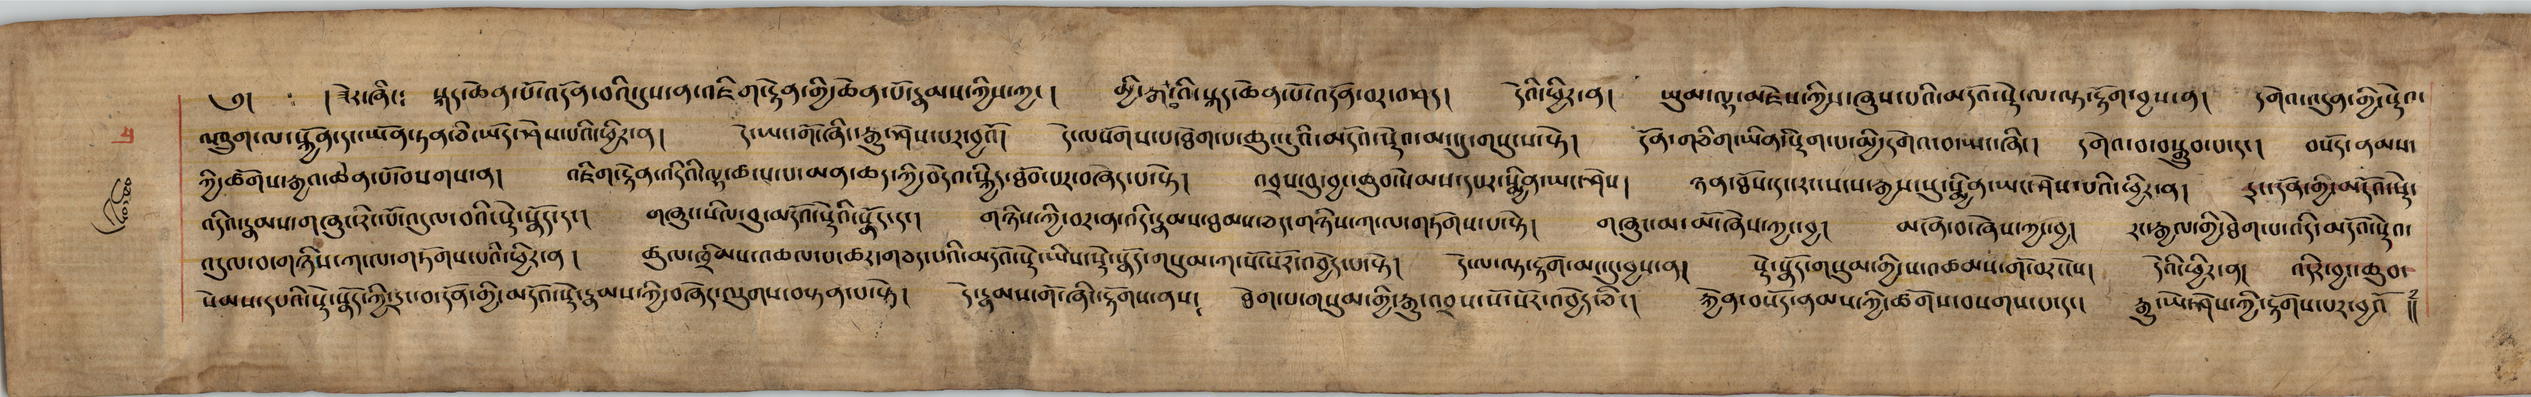༅། ། ཟེར་ཞིང༴ སྐད་ཆེན་པོ་འདོན་བའི་དུས་ན་འཇིག་རྟེན་གྱི་ཆེན་པོ་རྣམས་ཀྱི་ཀྱང། མྱི་རྒ་བའི་སྐད་ཆེན་པོ་འདོན་བར་བཤད། དེའི་ཕྱིར་ན། ཡུམ་ལྷ་མཛེས་ཀྱིས་ཞུས་པའི་མདོའ་སྡེ་ལ་ལྟ་རྟོག་བྱས་ན། དགེའ་འདུན་གྱི་སྡེའ་
འཁྲུག་ལ་སྐྱོན་དང་ཡོན་ཏན་ཅི་ཡོད་ཤེས་པའི་ཕྱིར་ན། དེ་ཨང་གོ་ཞིང་རྒྱུ་ཤེས་པར་བྱའོ། དེ་ལསོགས་པ་ཐེག་པ་ཆུང་ངུའི་མདོའ་སྡེའ་མང་དུ་གསུངས་སྟེ། དོན་གཅིག་ཡིན་སྡིག་པ་མྱི་དགེའ་བ་ཡང་ཞིང། དགེའ་བ་བསྒྲུབ་པ་དང། བསོད་ནམས་
ཀྱི་ཚོགས་རྒྱའ་ཆེན་པོ་བསགས་ན། འཇིག་རྟེན་འདིའི་ལྷ་ཚངས་པ་མན་ཆད་ཀྱི་བདེའ་སྐྱིད་ཐོབ་པར་བཞེད་པ་སྟེ། འབྲས་བུ་བྱང་ཆུབ་སེམས་དཔར་སྨྱིན་ཡང་ཤེས། ཉན་ཐོས་དང་རང་སངས་རྒྱས་སུ་སྨྱིན་ཡང་ཤེས་པའི་ཕྱིར་ན། དྲང་དོན་གྱི་མདོའ་སྡེ་
འདིའ་རྣམས་གཞུང་རིང་པོ་འདུལ་བའི་སྡེ་སྣོད་དང། གཞུང་སིལ་བུ་མདོའ་སྡེའི་སྣོད་དང། གཉིས་ཀྱི་བར་ན་འདི་རྣམས་ཐམས་ཅད་གཉིས་ཀ་ལ་གཏོགས་པ་སྟེ། གཞཱུང་མ་མོ་ཞེས་ཀྱང་བྱ། མངོན་བ་ཞེས་ཀྱང་བྱ། རང་རྒྱལ་གྱི་ཐེག་པ་འདི་མདོའ་སྡེའ་
འདུལ་བ་གཉིས་ཀ་ལ་གཏོགས་པའི་ཕྱིར་ན ། ཚུལ་ཁྲིམས་འཆལ་པ་ཚར་གཅད་པའི་མདོའ་སྡེ་ཡིས་སྡེ་སྣོད་གསུམ་ཀ་སོ་སོར་འབྱེད་པ་སྟེ། དེ་ལ་ལྟ་རྟོག་མང་དུ་བྱས་ན། སྡེ་སྣོད་གསུམ་གྱི་ས་འཚམས་གོ་བར་ངེས། དེའི་ཕྱིར་ན། འདིར་བྱང་ཆུབ་
སེམས་དཔའི་སྡེ་སྣོད་ཀྱི་དྲང་བ་དོན་གྱི་མདོའ་སྡེ་རྣམས་ཀྱི་བཞེད་ལུགས་བསྟན་པ་སྟེ། དེ་རྣམས་གོ་ཞིང་རྟོགས་ནས། ཐེག་པ་གསུམ་གྱི་རྒྱུ་འབྲས་སོ་སོར་འབྱེད་ཅིང། རྐྱེན་བསོད་ནམས་ཀྱི་ཚོགས་བསགས་པ་དང། རྒྱུ་ཡེ་ཤེས་ཀྱི་རྟོགས་པར་བྱའོ །།